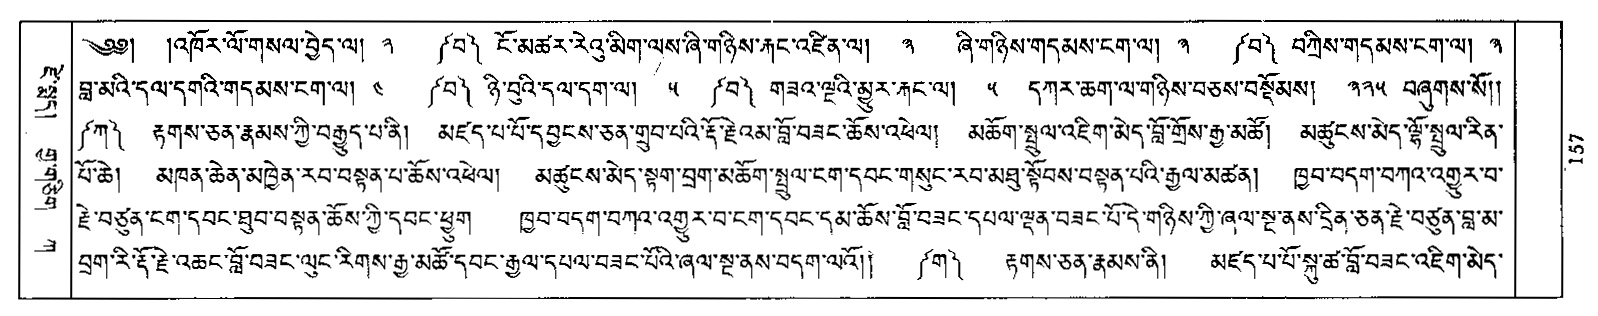༄༅། །འཁོར་ལོ་གསལ་བྱེད་ལ། ༢ ༼བ྄་ངོ་མཚར་རེའུ་མིག་ལས་ཞི་གཉིས་རྐང་འཛིན་ལ། ༣་ཞི་གཉིས་གདམས་ངག་ལ། ༣་༽བ྄་བཀྲིས་གདམས་ངག་ལ། ༣
བླ་མའི་དལ་དགའི་གདམས་ངག་ལ། ༤ ༼བ྄་ཉི་བུའི་དལ་དག་ལ། ༥་༽བ྄་གཟའ་ལྔའི་མྱུར་རྐང་ལ། ༥་དཀར་ཆག་ལ་གཉིས་བཅས་བསྡོམས། ༣༢༥་བཞུགས་སོ།།
ཀ྄་རྟགས་ཅན་རྣམས་ཀྱི་བརྒྱུད་པ་ནི། མཛད་པ་པོ་དབྱངས་ཅན་གྲུབ་པའི་རྡོ་རྗེ་འམ་བློ་བཟང་ཆོས་འཕེལ། མཆོག་སྤྲུལ་འཇིག་མེད་བློ་གྲོས་རྒྱ་མཚོ། མཚུངས་མེད་ལྷོ་སྤྲུལ་རིན་
པོ་ཆེ། མཁན་ཆེན་མཁྱེན་རབ་བསྟན་པ་ཆོས་འཕེལ། མཚུངས་མེད་སྟག་བྲག་མཆོག་སྤྲུལ་ངག་དབང་གསུང་རབ་མཐུ་སྟོབས་བསྟན་པའི་རྒྱལ་མཚན། ཁྱབ་བདག་བཀའ་འགྱུར་བ་
རྗེ་བཙུན་ངག་དབང་ཐུབ་བསྟན་ཆོས་ཀྱི་དབང་ཕྱུག་ཁྱབ་བདག་བཀའ་འགྱུར་བ་ངག་དབང་དམ་ཆོས་བློ་བཟང་དཔལ་ལྡན་བཟང་པོ་དེ་གཉིས་ཀྱི་ཞལ་སྔ་ནས་དྲིན་ཅན་རྗེ་བཙུན་བླ་མ་
བྲག་རི་རྡོ་རྗེ་འཆང་བློ་བཟང་ལུང་རིགས་རྒྱ་མཚོ་དབང་རྒྱལ་དཔལ་བཟང་པོའི་ཞལ་སྔ་ནས་བདག་ལའོ།། ག྄་རྟགས་ཅན་རྣམས་ནི། མཛད་པ་པོ་སྐུ་ཚ་བློ་བཟང་འཇིག་མེད་